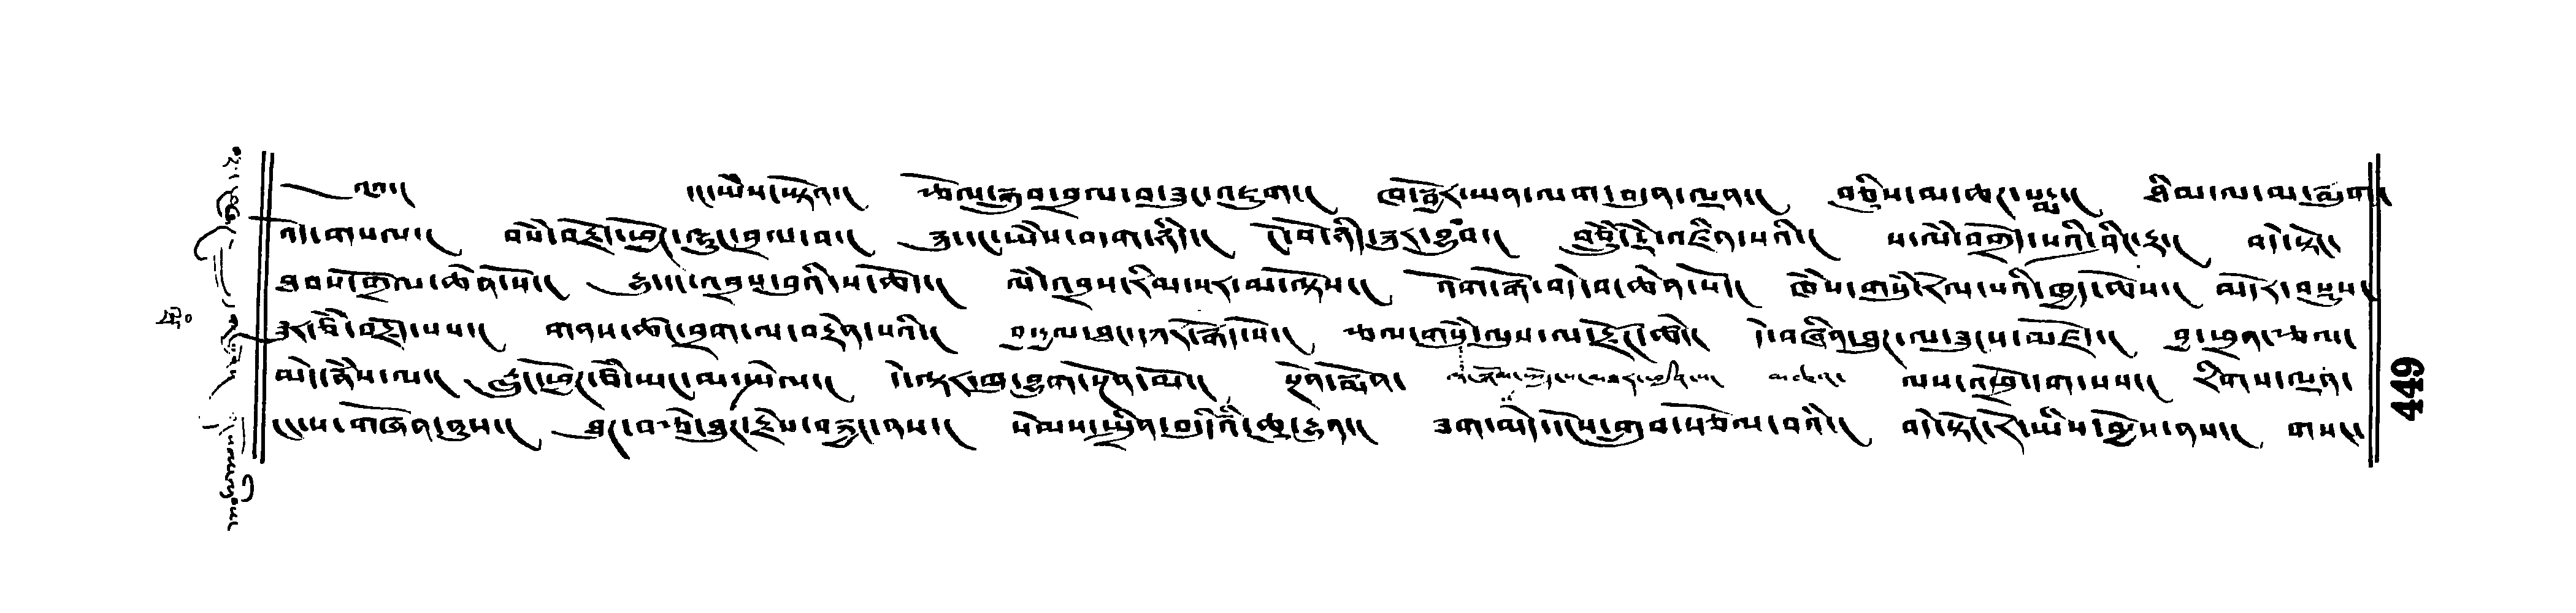དང་ཡེ་ཤེས་ཡོན་ཏན། །རྩོལ་སྒྲུབ་བྲལ་བ་ཟུང་འཇུག ཁ་སྦྱོར་ཡན་ལག་བདུན་ལྡན། །བཅུ་གཉིས་མ་ཆགས་པདྨ། །ཐིམ་ལ་མ་རྨུགས་
འོད་གསལ། །བསམ་བརྗོད་ཕྱོགས་ལྷུང་བྲལ་བ། །སྐུ་དང་ཡེ་ཤེས་བདག་ཉིད། །ངོ་བོ་ཉིད་སྐུར་བྱང་ཆུབ། །བཅུ་གསུམ་རྡོ་རྗེ་འཛིན་པའི། །ས་ལམ་བགྲོད་པའི་ཤིང་རྟ། །བདེ་སྟོང་
ཐབས་གྲོལ་ཆེན་པོ། །རྒྱུ་དང་འབྲས་བུའི་ས་ཆོད། །ལམ་འབྲས་རིམ་པར་མ་ལྟོས། །འོག་སྒོ་བདེ་བ་ཆེན་པོ། ཁམས་གསུམ་རོལ་པའི་ཁྱད་ཆོས། །མདོར་བསྡུས་
ཟུར་ཙམ་བརྗོད་པས། །གནས་ཚང་བྲག་ལ་བརྟེན་པའི། །བྱ་རྒྱལ་ཐང་དཀར་རྒོད་པོ། །རྩལ་གསུམ་ལུས་ལ་རྫོགས་ཚེ། །དེ་བཞིན་ཐུགས་ལ་ཟུངས་མཛོད། །བྱ་ཕྲན་རྩལ་
མེད་རྣམས་ལ། །རླུང་ཕྱོགས་ཙམ་ཡང་མ་སྤེལ། །དེ་ལྟར་ཁུ་བྱུག་སྔོན་མོ། །སྔོན་སྨོན་ལས་འཕྲོ་དག་པས། །རིགས་ལྡན་
ངང་པ་གཞོན་ནུས། །ཐུགས་བརྩེ་ཐུགས་རྗེས་བསྐྱང་ནས། །སེམས་སྤྲིན་བདུད་རྩིའི་ཆུ་རྒྱུན། །ཟག་མེད་དངོས་གྲུབ་སྩོལ་བའི། །བདེ་སྟོང་རོ་ཡིས་མྱོས་ནས། །གསང་